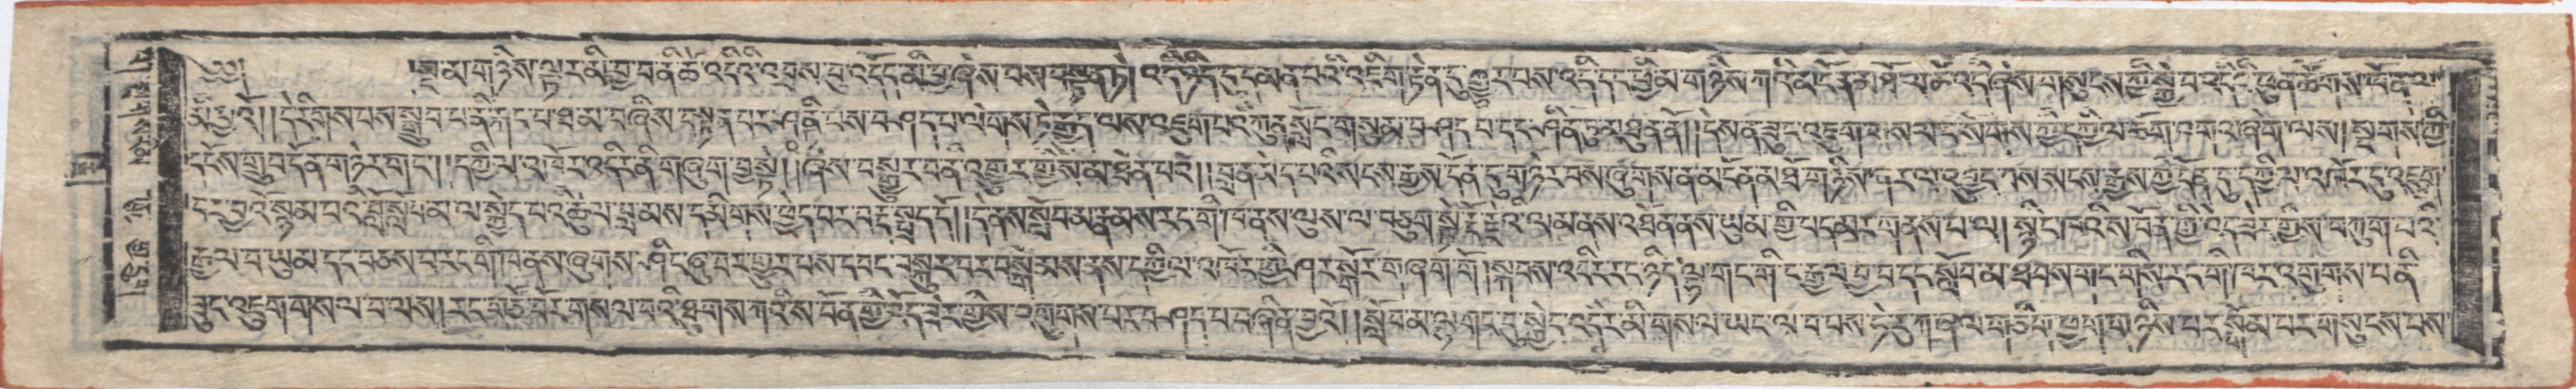༄༅། །སྔ་མ་གཉིས་ལྟར་མི་བྱ་བ་ནི་ཚེ་འདིའི་འབྲས་བུ་འདོད་མི་བྱ་ཞེས་པས་བསྟན་ཏེ། འདི་ཉིད་དུ་དམན་པའི་འཇིག་རྟེན་དུ་གྱུར་པས་འདི་དང་ཕྱི་མ་གཉིས་ཀའི་མངོན་མཐོ་ལ་ཚེ་འདི་ཞེས་གསུངས་ཀྱི་སྐྱེ་བ་འདིའི་ཕུན་ཚོགས་ཁོ་ན་ལ་
མི་བྱའོ། །དེ་རིགས་པས་སྒྲུབ་པ་ནི་རྐང་པ་ཐ་མ་བཞིས་བསྟན་པར་ཤཱནྟི་པས་བཤད་པ་ལེགས་ཏེ་རྒྱུད་ལས་འཇུག་པའི་ཀུན་སློང་གསུམ་བཤད་པ་དང་ཤིན་ཏུ་མཐུན་ནོ། །དེས་ན་ཟུང་འཇུག་གསལ་བ་སོགས་ཀྱི་དཀྱིལ་ཆོག་འགའ་ཞིག་ལས། སྔགས་ཀྱི་
དངོས་གྲུབ་དོན་གཉེར་གང་། །དཀྱིལ་འཁོར་འདིར་ནི་གཞུག་བྱ་སྟེ། །ཞེས་བསྒྱུར་བ་ནི་འགྱུར་གྱིས་མ་ཐོན་པའོ། །བླ་ན་མེད་པའི་སངས་རྒྱས་དོན་དུ་གཉེར་བས་ཞུགས་ན་མངོན་མཐོ་གཉིས་ཞར་ལ་འབྱུང་བས་སངས་རྒྱས་ཀྱི་དོན་དུ་དཀྱིལ་འཁོར་དུ་འཇུག་
པར་བྱའོ་སྙམ་པའི་བློ་སློབ་མ་ལ་སྐྱེད་པའི་ཚུལ་བླ་མས་དམིགས་ཕྱེད་པར་བརྡ་སྤྲད་དོ། །དེ་ནས་སློབ་མ་རྣམས་རང་གི་ཁ་ནས་ལུས་ལ་བཅུག་སྟེ་རྡོ་རྗེའི་ལམ་ནས་འཐོན་ནས་ཡུམ་གྱི་པད་མར་གནས་པ་ལ། སྙིང་ཁའི་ས་བོན་གྱི་འོད་ཟེར་གྱིས་བཀུག་པའི་
རྒྱལ་བ་ཡུམ་དང་བཅས་པ་རང་གི་ཁ་ནས་ཞུགས་ཤིང་ཞུ་བར་གྱུར་པས་དབང་བསྐུར་བར་བསྒོམས་ནས་དཀྱིལ་འཁོར་གྱི་ཤར་སྒོར་གཞག་གོ །སྐབས་འདིར་རང་ཉིད་ལྷ་གང་གི་ང་རྒྱལ་བྱ་བ་དང་སློབ་མ་ཐབས་གང་གིས་རང་གི་ཁར་འགུགས་པ་ནི་
ཟུང་འཇུག་གསལ་བ་ལས། རང་གཙོ་བོར་གསལ་བའི་ཐུགས་ཀའི་ས་བོན་གྱི་འོད་ཟེར་གྱིས་འགུགས་པར་བཤད་པ་བཞིན་བྱའོ། །སློབ་མ་ལྷ་གང་དུ་སྐྱེད་འདིར་མི་གསལ་ཡང་ལ་བ་པས་ཧེ་རུ་ཀ་ཞལ་གཅིག་ཕྱག་གཉིས་པར་སྒོམ་པར་གསུངས་པས་